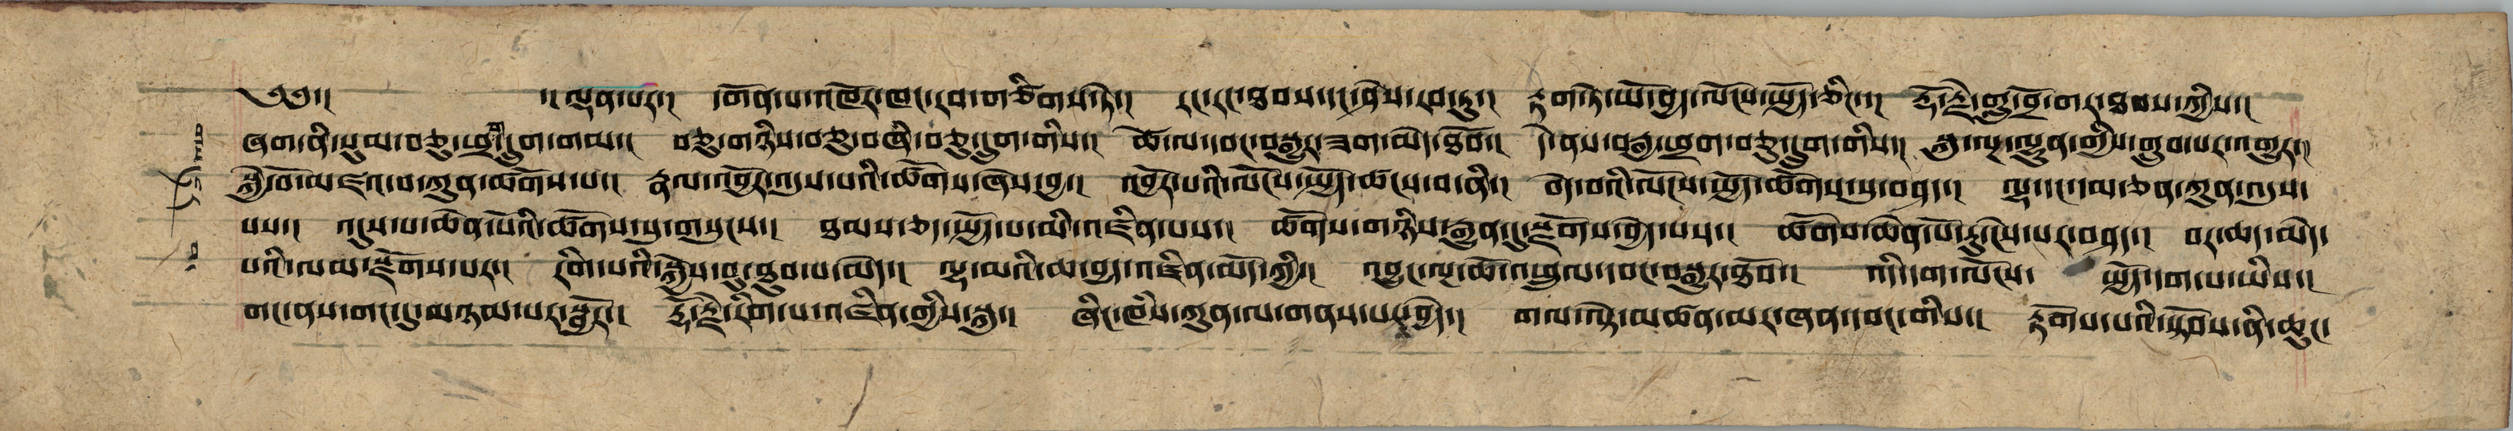༄༅་། ་།ལྡན་པར་། དགོན་པ་འཁོར་ཁང་རབ་གཙིགས་ཏེ་། རང་རང་ཐབས་དང་ཤེས་རབ་ཏུ་། རྟག་ཏེ་ཡོ་བྱད་ལོངས་སྤྱོད་ཅིང་། རྡོ་རྗེ་གླུ་བྲོ་གར་ཐབས་ཀྱིས་།
ཞག་ནི་སུམ་བཅུ་ཕྲག་དྲུག་གམ་། བཅུ་གཉིས་བཅུ་བཞི་བཅུ་དྲུག་གིས་། ཚེ་ལ་དབང་བསྒྱུར་ཟག་མེད་ཐོབ་། དེ་ནས་བརྒྱ་ཕྲག་བཅུ་དྲུག་གིས་། སྐུ་ལྔ་ལྷུན་གྱིས་གྲུབ་པར་འགྱུར་།
སྐྱེ་བོ་མཛའ་བ་ཀུན་ཚོགས་པ་། རྣལ་འབྱོར་འདུས་པའི་ཚོགས་ཞེས་བྱ་། འབྱོར་པའི་ལོངས་སྤྱོད་ཚངས་བ་ནི་། བདེ་བའི་ལོངས་སྤྱོད་ཚོགས་སུ་བཤད་། ལྷ་དང་དམ་ཅན་ཀུན་འདུས་
པས་། འདུས་པ་ཆེན་པོའི་ཚོགས་སུ་གསུངས་། ཐམས་ཅད་སྤྱོད་པ་མི་འཛིན་པས་། ཚོགས་གཉིས་རྒྱུན་དུ་སྫོགས་བྱེད་པས་། ཚོགས་ཆེན་པོ་རུ་ངེས་པར་བཤད་། བར་ཆད་མེད་
པའི་ལམ་སྫོགས་པར་། རིག་པའི་སྐྱེས་བུ་ཐུབ་པ་མེད་། ལྷ་མའི་ཆ་བྱད་འཛིན་མོད་ཀྱི་། འབྱུང་ལྔ་ཆོ་འཕྲུལ་དབང་བསྒྱུར་ཐོབ་། འདི་དག་ལོངས་ སྤྱོད་དག་པ་ཡིས་།
གང་ནས་གང་དུ་མཉམ་པར་སྦྱོར་། རྡོ་རྗེ་རིག་པ་འཛིན་གྱིས་སྐུ་། ཞིང་ཁཾས་ཀུན་ལ་གནས་པར་བྱེད་། གལ་ལྟེ་མཚན་མར་ཞན་དབང་གིས་། རྟོགས་པའི་སྟོབས་ནི་ཆུང་